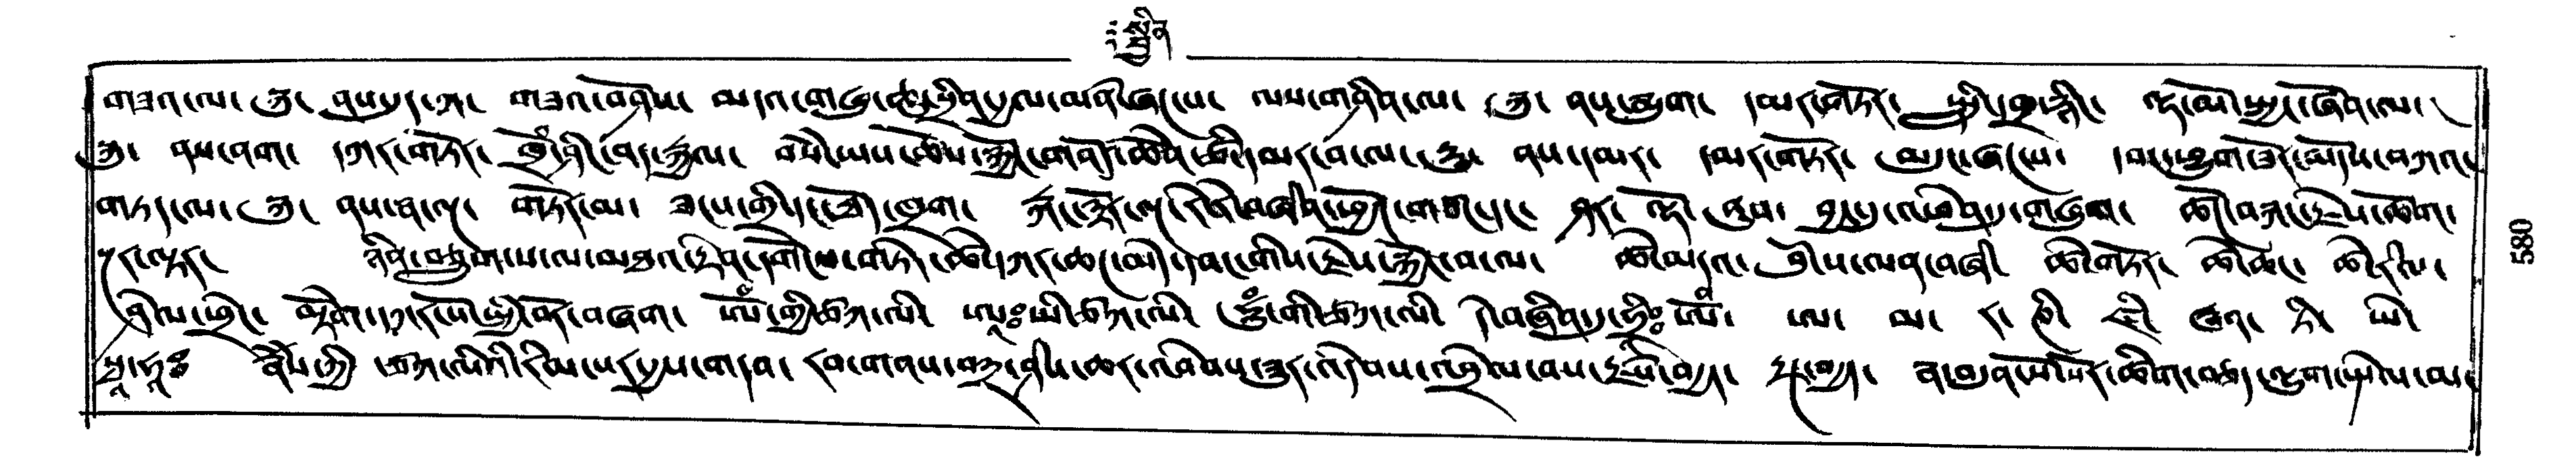གཟའ་ལ། སྐུ། ནས་དུད་ཀ། གཟའ་བཤོས། མདའ་གཞུ། ཆུ་སྲིན་རྒྱལ་མཚན། ཞགས་པ། ལས་གཤིན་ལ། སྐུ། ནས་སྨུག དམར་གཏོར། སྤུ་གྲི། དགྲ་སྙིང་། ལྷ་མོ་སྤྱང་ཞོན་ལ།
སྐུ། ནས་ནག དཀར་གཏོར། ཁྲམ་ཤིང་ནད་རྐྱལ། བསམ་ཡས་ཆོས་སྐྱོང་གནོད་སྦྱིན་ཆེན་པོ་ཙི་དམར་ལ། སྐུ། ནས་དམར། དམར་གཏོར། མདུང་། ཞགས་པ། དབང་ཕྱུག་ཟོར་མདོས་བཀའ་
གཏད་ལ། སྐུ། ནས་སྣ་ལྔ། གཏོར་མ། ཟངས་གྲི་དང་ཐོད་ཁྲག སྐོང་ཟོར་ལྔ་རེ་རེ་བཞིན་ཕྱོགས་གཙང་དང་། ཤར། ལྷོ། ནུབ། བྱང་དུ་འཕེན་དུ་གཞུག ཚོགས་བསྐང་རྗེས་ཆོག་
སྔར་ལྟར། ཉིན་བཅུ་དྲུག་པ་ལ་མཐའ་རྟེན་དགོངས་གཏེར་ཚེ་དཀར་ཆགས་མེད་དབང་གི་རྗེས་སྐྱོང་བ་ལ། ཚེ་མདའ། བུམ་པ་ལན་བཞི། ཚེ་གཏོར་། ཚེ་ཆང་། ཚེ་རིལ་། 
ཤེལ་ཕྲེང་། མེ་ཏོག་དཀར་པོ་སྤྱི་བོར་བཞག ཨོཾ་གྱི་ཙཀ་ལི། ཨཱཿཡི་ཙཀ་ལི། ཧཱུྃ་གི་ཙཀ་ལི། དེ་བཞིན་དུ་ཧྲཱིཿཨོཾ། ཨ། མ། ར། ཎི། ཛི། ཝན། ཏི། ཡེ། 
སྭ་ཧཱཿ རྣམས་ཀྱི། ཙཀ་ལིས་རིམ་པར་རྒྱས་གདབ་རབ་གནས་བཀྲ་ཤིས་ཆར་འབེབས་ཟུར་འདེབས་འགྲེལ་བས་རྫས་བརྒྱད། རྟགས་བརྒྱད། སྣ་བདུན་སོ་སོར་ཚིག་བཅད་ལྷུག་སྤེལ་མ་